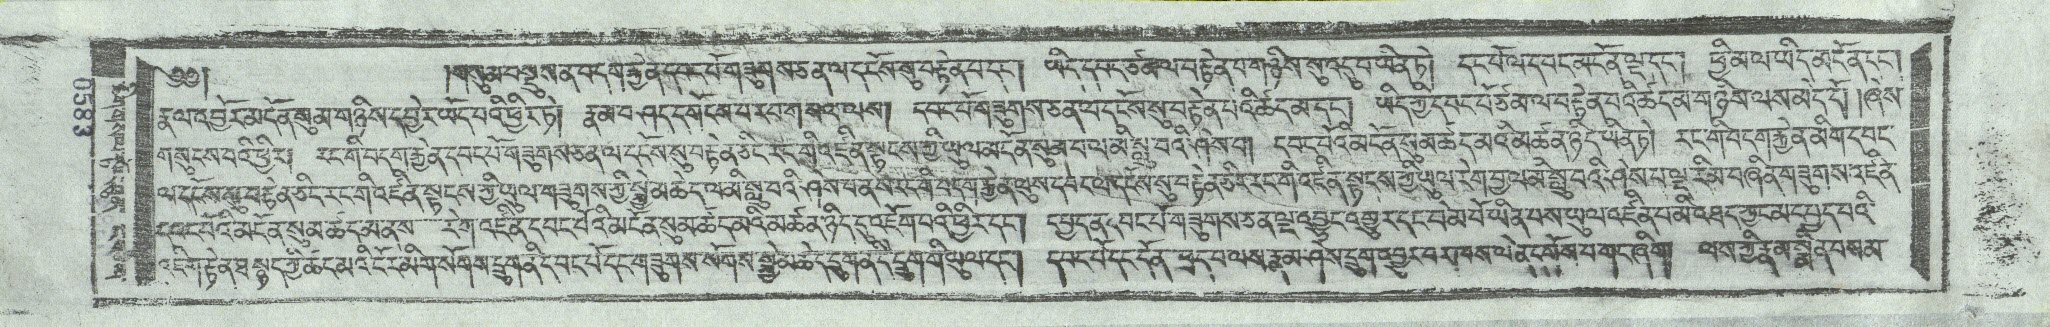༄༅། །གསུམ་བསྡུས་ན་བདག་རྐྱེན་དབང་པོ་གཟུགས་ཅན་ལ་དངོས་སུ་བརྟེན་པ་དང་། ཡིད་དབང་ཙམ་ལ་བརྟེན་པ་གཉིས་སུ་འདུ་བ་ཡིན་ཏེ། དང་པོ་ལ་དབང་མངོན་ལྔ་དང་། ཕྱི་མ་ལ་ཡིད་མངོན་དང་།
རྣལ་འབྱོར་མངོན་སུམ་གཉིས་དབྱེར་ཡོད་པའི་ཕྱིར་ཏེ། རྣམ་བཤད་དགོངས་པ་རབ་གསལ་ལས། དབང་པོ་གཟུགས་ཅན་ལ་དངོས་སུ་བརྟེན་པའི་ཚད་མ་དང་། ཡིད་ཀྱི་དབང་པོ་ཙམ་ལ་བརྟེན་པའི་ཚད་མ་གཉིས་ལས་མེད་དོ། །ཞེས་
གསུངས་པའི་ཕྱིར། རང་གི་བདག་རྐྱེན་དབང་པོ་གཟུགས་ཅན་ལ་དངོས་སུ་བརྟེན་ཅིང་རང་གི་འཛིན་སྟངས་ཀྱི་ཡུལ་མངོན་སུམ་པ་ལ་མི་སླུ་བའི་ཤེས་པ། དབང་པོའི་མངོན་སུམ་ཚད་མའི་མཚན་ཉིད་ཡིན་ཏེ། རང་གི་བདག་རྐྱེན་མིག་དབང་
ལ་དངོས་སུ་བརྟེན་ཅིང་རང་གི་འཛིན་སྟངས་ཀྱི་ཡུལ་གཟུགས་ཀྱི་སྐྱེ་མཆེད་ལ་མི་སླུ་བའི་ཤེས་པ་ནས་རང་གི་བདག་རྐྱེན་ལུས་དབང་ལ་དངོས་སུ་བརྟེན་ཅིང་རང་གི་འཛིན་སྟངས་ཀྱི་ཡུལ་རེག་བྱ་ལ་མི་སླུ་བའི་ཤེས་པ་ལྔ་རིམ་བཞིན་གཟུགས་འཛིན་
དབང་པོའི་མངོན་སུམ་ཚད་མ་ནས་རེག་འཛིན་དབང་པོའི་མངོན་སུམ་ཚད་མའི་མཚན་ཉིད་དུ་འཇོག་པའི་ཕྱིར་དང་། དཔྱད་ན་དབང་པོ་གཟུགས་ཅན་ལྔ་འབྱུང་འགྱུར་དང་བེམ་པོ་ཡིན་པས་ཡུལ་འཛིན་པ་མི་འཐད་ཀྱང་མ་དཔྱད་པའི་
འཇིག་རྟེན་ཐ་སྙད་ཀྱི་ཚད་མའི་ངོར་མིག་སོགས་དྲུག་ནི་དབང་པོ་དང་གཟུགས་སོགས་སྐྱེ་མཆེད་དྲུག་ནི་དེ་དྲུག་གི་ཡུལ་དང་། དབང་པོ་དང་དོན་ཕྲད་པ་ལས་རྣམ་ཤེས་དྲུག་འབྱུང་བར་ཁས་ལེན་དགོས་པ་གང་ཞིག། ལས་ཀྱི་རྣམ་སྨིན་བསམ་